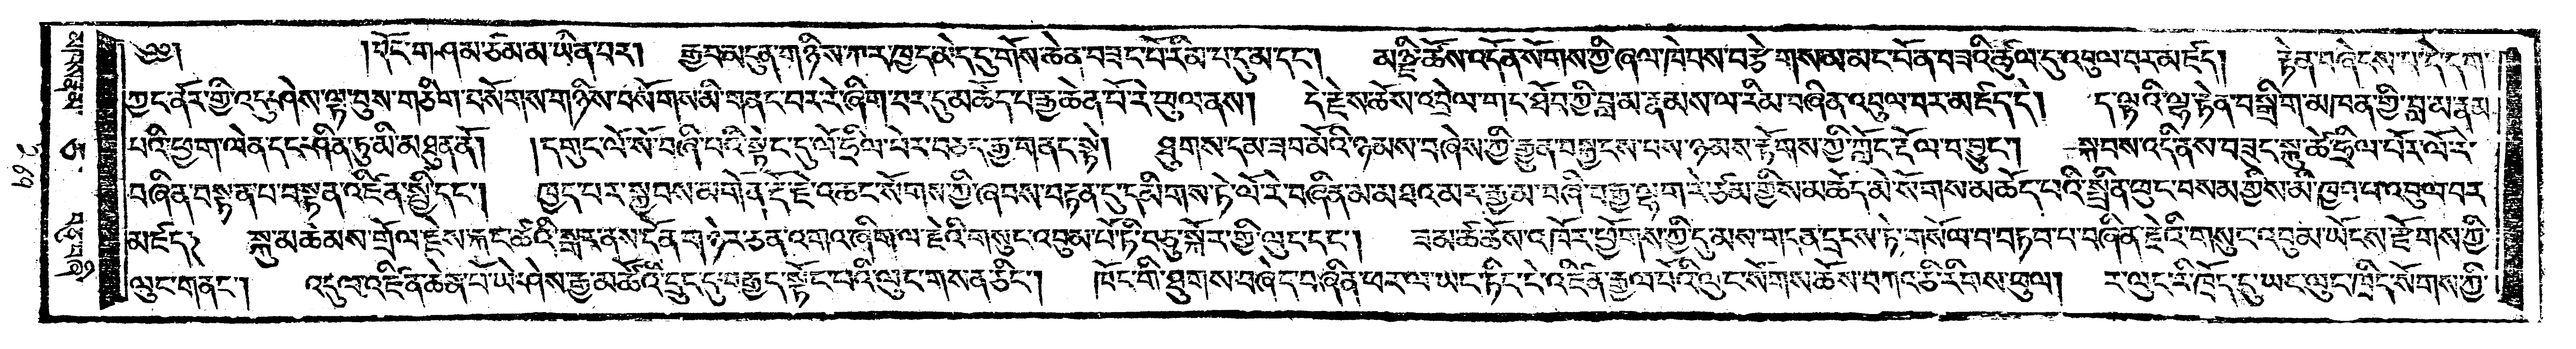༄༅། །གོང་གཤམ་ཙམ་མ་ཡིན་པར། རྒྱབ་མདུན་གཉིས་ཀར་ཁྱད་མེད་དུ་གོས་ཆེན་བཟང་པོ་རིམ་པ་དུ་མ་དང་། མཉྫི་ཚོས་འདོན་སོགས་ཀྱི་ཞལ་ཁེབས་བརྩེགས་མ་མང་པོ་ན་བཟའི་ཚུལ་དུ་འབུལ་བར་མཛད། རྟེན་བཞེངས་པ་དེ་དག་
ཀྱང་ནོར་གྱི་འདུ་ཤེས་ལྟ་བུས་གཅིག་བསོགས་གཉིས་བསོགས་མི་གནང་བར་རེ་ཞིག་བར་དུ་མཆོད་པ་རྒྱ་ཆེན་པོ་རེ་ཕུལ་ནས། དེ་རྗེས་ཆོས་འབྲེལ་གང་ཐོབ་ཀྱི་བླ་མ་རྣམས་ལ་རིམ་བཞིན་འབུལ་བར་མཛད་དེ། ད་ལྟའི་ལྷ་རྟེན་བསྒྲིག་མཁན་གྱི་བླ་མ་རྣམ་
པའི་ཕྱག་ལེན་དང་ཤིན་ཏུ་མི་མཐུན་ནོ། །དགུང་ལོ་སོ་བཞི་པའི་སྟེང་དུ་ལོ་ཧྲིལ་པོར་བཅད་རྒྱ་གནང་སྟེ། ཐུགས་དམ་ཟབ་མོའི་ཉམས་བཞེས་ཀྱི་རྒྱུན་བསྐྱངས་པས་ཉམས་རྟོགས་ཀྱི་ཀློང་རྡོལ་བ་བྱུང་། སྐབས་འདི་ནས་བཟུང་སྐུ་ཚེ་ཧྲིལ་པོར་ལོ་རེ་
བཞིན་བསྟན་པ་བསྟན་འཛིན་སྤྱི་དང་། ཁྱད་པར་སྐྱབས་མགོན་རྡོ་རྗེ་འཆང་སོགས་ཀྱི་ཞབས་བརྟན་དུ་དམིགས་ཏེ་ལོ་རེ་བཞིན་མ་མཐའ་མར་རྒྱ་མ་བཞི་བརྒྱ་ལྷག་རེ་ཙམ་གྱིས་མཆོད་མེ་སོགས་མཆོད་པའི་སྤྲིན་ཕུང་བསམ་གྱིས་མི་ཁྱབ་པ་འབུལ་བར་
མཛད༑ སྐུ་མཚམས་གྲོལ་རྗེས་རྐང་ཚའི་སྒྲར་ནས་དོན་གཉེར་ཅན་འགའ་ཞིག་ལ་རྗེའི་གསུང་འབུམ་པོ་ཏི་བཅུ་སྐོར་གྱི་ལུང་དང་། ཟམ་ཚ་ཆོས་འཁོར་ཕྱོགས་ཀྱི་དུ་མས་གདན་དྲངས་ཏེ་གསོལ་བ་བཏབ་བ་བཞིན་རྗེའི་གསུང་འབུམ་ཡོངས་རྫོགས་ཀྱི་
ལུང་གནང་། འདུལ་འཛིན་ཆེན་པོ་ཡེ་ཤེས་རྒྱ་མཚོའི་དྲུང་དུ་བརྒྱད་སྟོང་བའི་ལུང་གསན་ཅིང་། ཁོང་གི་ཐུགས་བཞེད་བཞིན་ཕར་ལ་ཡང་ཏིང་ངེ་འཛིན་རྒྱལ་བོའི་ལུང་སོགས་ཆོས་བཀའ་ཅི་རིགས་ཕུལ། ང་ལུང་རི་ཁྲོད་དུ་ཡང་ཁུང་ཁྲིད་སོགས་ཀྱི་